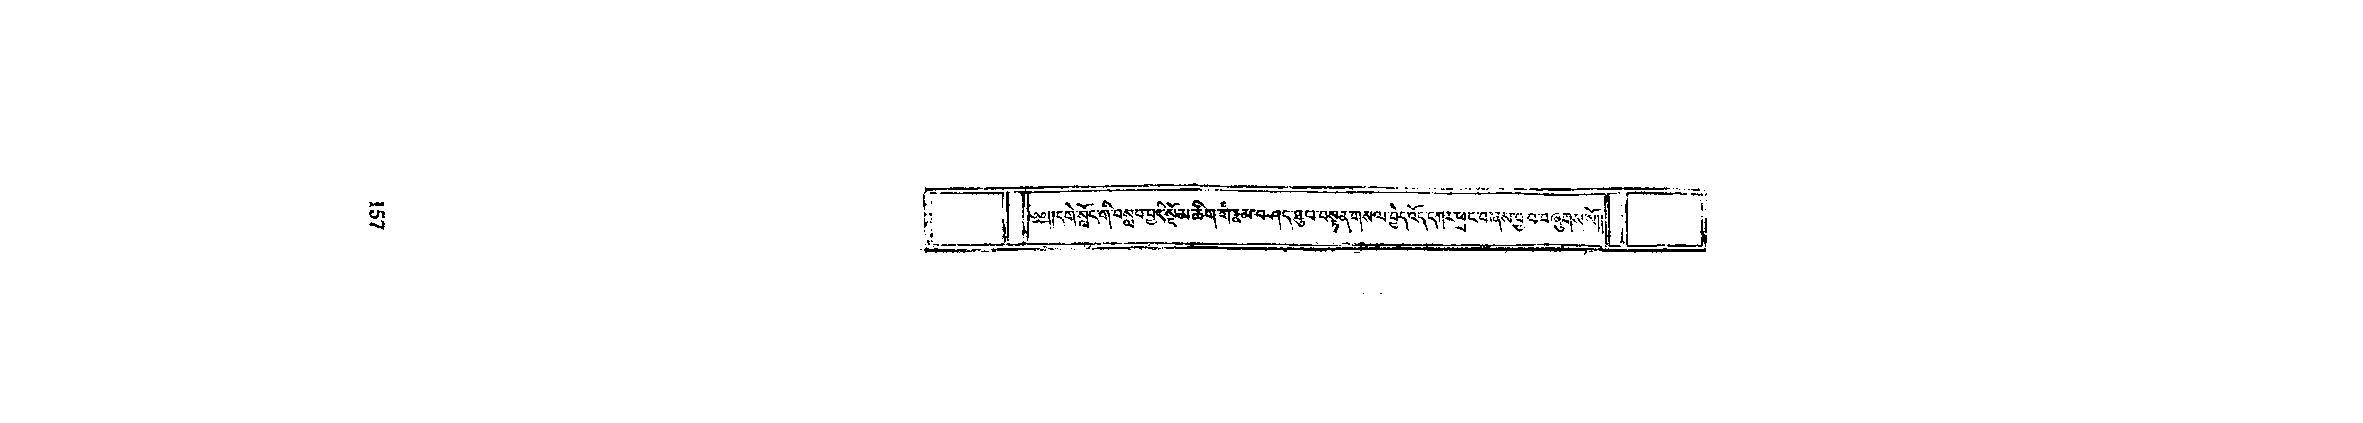༄༅། །དགེ་སློང་གི་བསླབ་བྱའི་སྡོམ་ཚིག་གི་རྣམ་བཤད་ཐུབ་བསྟན་གསལ་བྱེད་འོད་དཀར་ཕྲེང་བ་ཞེས་བྱ་བ་བཞུགས་སོ།།